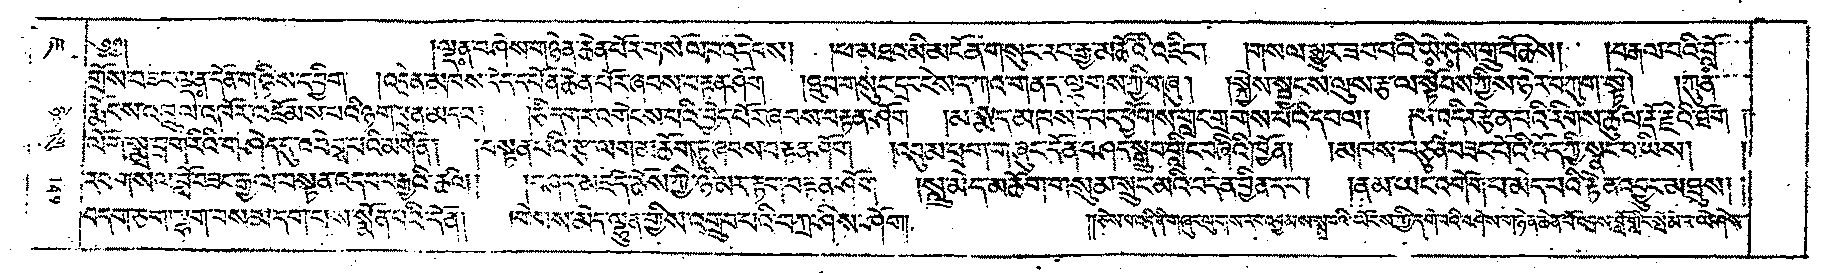༄༅། །ལྡན་བཤེས་གཉེན་ཆེན་པོར་གསོལ་བ་འདེབས། །ཕ་མཐའ་མི་མངོན་གསུང་རབ་རྒྱ་མཚོའི་འཇིང་། །གསལ་མྱུར་ཟབ་པའི་ཡེ་ཤེས་གྲུ་བོ་ཆེས། །བརྒལ་བའི་བློ་
གྲོས་བཟང་ལྡན་དོན་གཉིས་དབྱིག །འདྲེན་མཁས་དེད་དཔོན་ཆེན་པོར་ཞབས་བརྟན་ཤོག །ཐུབ་གསུང་དྲང་ངེས་དཀའ་གནད་ལྕགས་ཀྱི་གཞུ། །སྐྱེས་སྦྱངས་ལུས་རྩལ་སྟོབས་ཀྱིས་ཉེར་བཀུག་སྟེ། ཀུན་
རྨོངས་འཁྲུལ་འཁོར་འཇོམས་པའི་ཉག་ཕྲན་མདའ། །ཅི་དགར་འགེངས་པའི་བྱེད་པོར་ཞབས་བརྟན་ཤོག །མ་སྨད་མཁས་དབང་ཕྱོགས་གླང་གྲགས་པའི་དཔལ། །ས་འདིར་རྩེན་པའི་རིགས་ཚུལ་རྡོ་རྗེའི་ཐོག །
ལོག་སྨྲ་བྲག་རིའི་གཤེད་དུ་འབེབས་པའི་མགོན། །བསྟན་པའི་རྩ་ལག་མཆོག་ཏུ་ཞབས་བརྟན་ཤོག །འབུམ་ཕྲག་གཞུང་དོན་བཤད་སྒྲུབ་གླིང་བཞིའི་ཁྱོན། །མཁས་བཙུན་བཟང་པོའི་འོད་ཀྱི་སྣང་བ་ཡིས། །
རབ་གསལ་བློ་བཟང་རྒྱལ་བསྟན་འདབ་བརྒྱའི་ཚལ། །བཞད་མཛད་ཆོས་ཀྱི་ཉི་མར་རྟག་བརྟན་ཤོག །སླུ་མེད་མཆོག་གསུམ་སྲུང་མའི་བདེན་བྱིན་དང་། །ནམ་ཡང་འགོག་པ་མེད་པའི་རྟེན་འབྱུང་མཐུས། །
བདག་ཅག་ལྷག་བསམ་དག་པས་སྨོན་པའི་དོན། །གེགས་མེད་ལྷུན་གྱིས་འགྲུབ་པའི་བཀྲ་ཤིས་ཤོག ། །།ཅེས་པ་འདི་ནི་གཞུང་ལུགས་རབ་འབྱམས་སྨྲ་བའི་ཡོངས་ཀྱི་དགེ་བའི་བཤེས་གཉེན་ཆེན་པོ་འབྲས་བློ་གླིང་སྤོམ་ར་ཡེ་ཤེས་